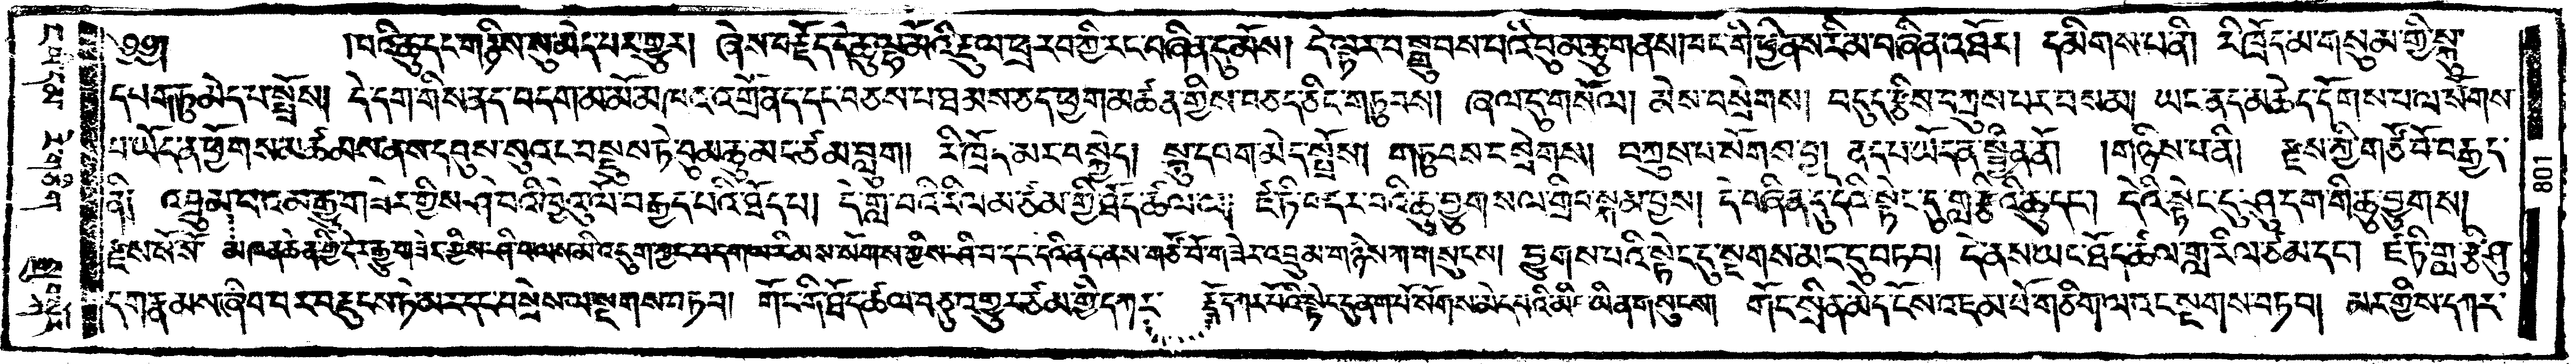༄༅། །པའི་ཆུ་དང་གཉིས་སུ་མེད་པར་གྱུར། ཞེས་བརྗོད་དེ་ཆུ་ལྷ་མོའི་རྡུལ་ཕྲ་རབ་ཀྱི་རང་བཞིན་དུ་མོས། དེ་ལྟར་བསྒྲུབས་པའི་བུམ་ཆུ་གནས་ཁང་གི་ཕྱི་ནས་རིམ་བཞིན་འཐོར། དམིགས་པ་ནི། རི་ཁྲོད་མ་གསུམ་གྱི་སྐུ་
དཔག་ཏུ་མེད་པ་སྤྲོས། དེ་དག་གིས་ནད་བདག་མ་མོ་མཁའ་འགྲོ་ནད་དང་བཅས་པ་ཐམས་ཅད་ཕྱག་མཚན་གྱིས་བཅད་ཅིང་གཏུབས། ཞལ་དུ་གསོལ། མེས་བསྲེགས། བདུད་རྩིས་བཀྲུས་པར་བསམ། ཡང་ནད་མཆེད་དོགས་པ་ལ་སོགས་
པ་ཡོད་ན་ཕྱོགས་མཚམས་ནས་དབུས་སུའང་བསྡུས་ཏེ་བུམ་ཆུ་མང་ཙམ་བླུག། རི་ཁྲོད་མར་བསྐྱེད། སྐུ་དཔག་མེད་སྤྲོས། གཏུབས་བསྲེགས། བཀྲུས་པ་སོགས་བྱ། ནད་པ་ཡོད་ན་སྦྱིན་ནོ། །གཉིས་པ་ནི། རྫས་ཀྱི་གཙོ་བོ་བརྒྱད་
ནི༑ འབྲུམ་པ་འམ་རྒྱུ་གཟེར་གྱིས་ཤེ་བའི་ཁྱེའུ་ལོ་བརྒྱད་པའི་ཐོད་པ། དེ་གླ་བའི་རིལ་མ་ཙམ་གྱི་ཐོད་ཚལ་ལ། ཛ་ཏི་བདར་བའི་ཆུ་བྱུགས་ལ་གྲིབ་སྐམ་བྱས། དེ་བཞིན་དུ་དེའི་སྟེང་དུ་གླ་རྩིའི་ཆུ་དང་། དེའི་སྟེང་དུ་ཤུ་དག་གི་ཆུ་བྱུགས།
རྫས་སོ་སོ་མཁན་ཆེན་གྱི་དེར་རྒྱུ་གཟེར་གྱིས་ཤི་པ་ལས་མི་འདུག་ཀྱང་བདག་ལ་རིམས་སོགས་ཀྱིས་ཤི་བ་དང་དའི་ནང་ནས་གཙོ་བོ་གཟེར་འབྲུམ་གཉིས་ཀ་གསུངས། བྱུགས་པའི་སྟེང་དུ་སྔགས་མང་དུ་བཏབ། དེ་ནས་ཡང་ཐོད་ཚལ་གླ་རིལ་ཙམ་དང་། ཛ་ཏི་གླ་རྩེ་ཤུ་
དག་རྣམས་ཞིབ་པར་བརྡུངས་ཏེ་མར་དང་བསྲེས་ལ་སྔགས་བཏབ། གོང་གི་ཐོད་ཚལ་བཅུ་འགྱུར་ཙམ་གྱི་དཀར་རྡོ་དཀར་པོའི་སྟེང་དུ་ནག་པོ་སོགས་མེད་པའི་མིང་ཡིན་གསུངས། གོང་སྲིན་མེད་ངོས་འཇམ་པོ་གཅིག་ལ་འང་སགས་བཏབ། མར་གྱིས་དཀར་